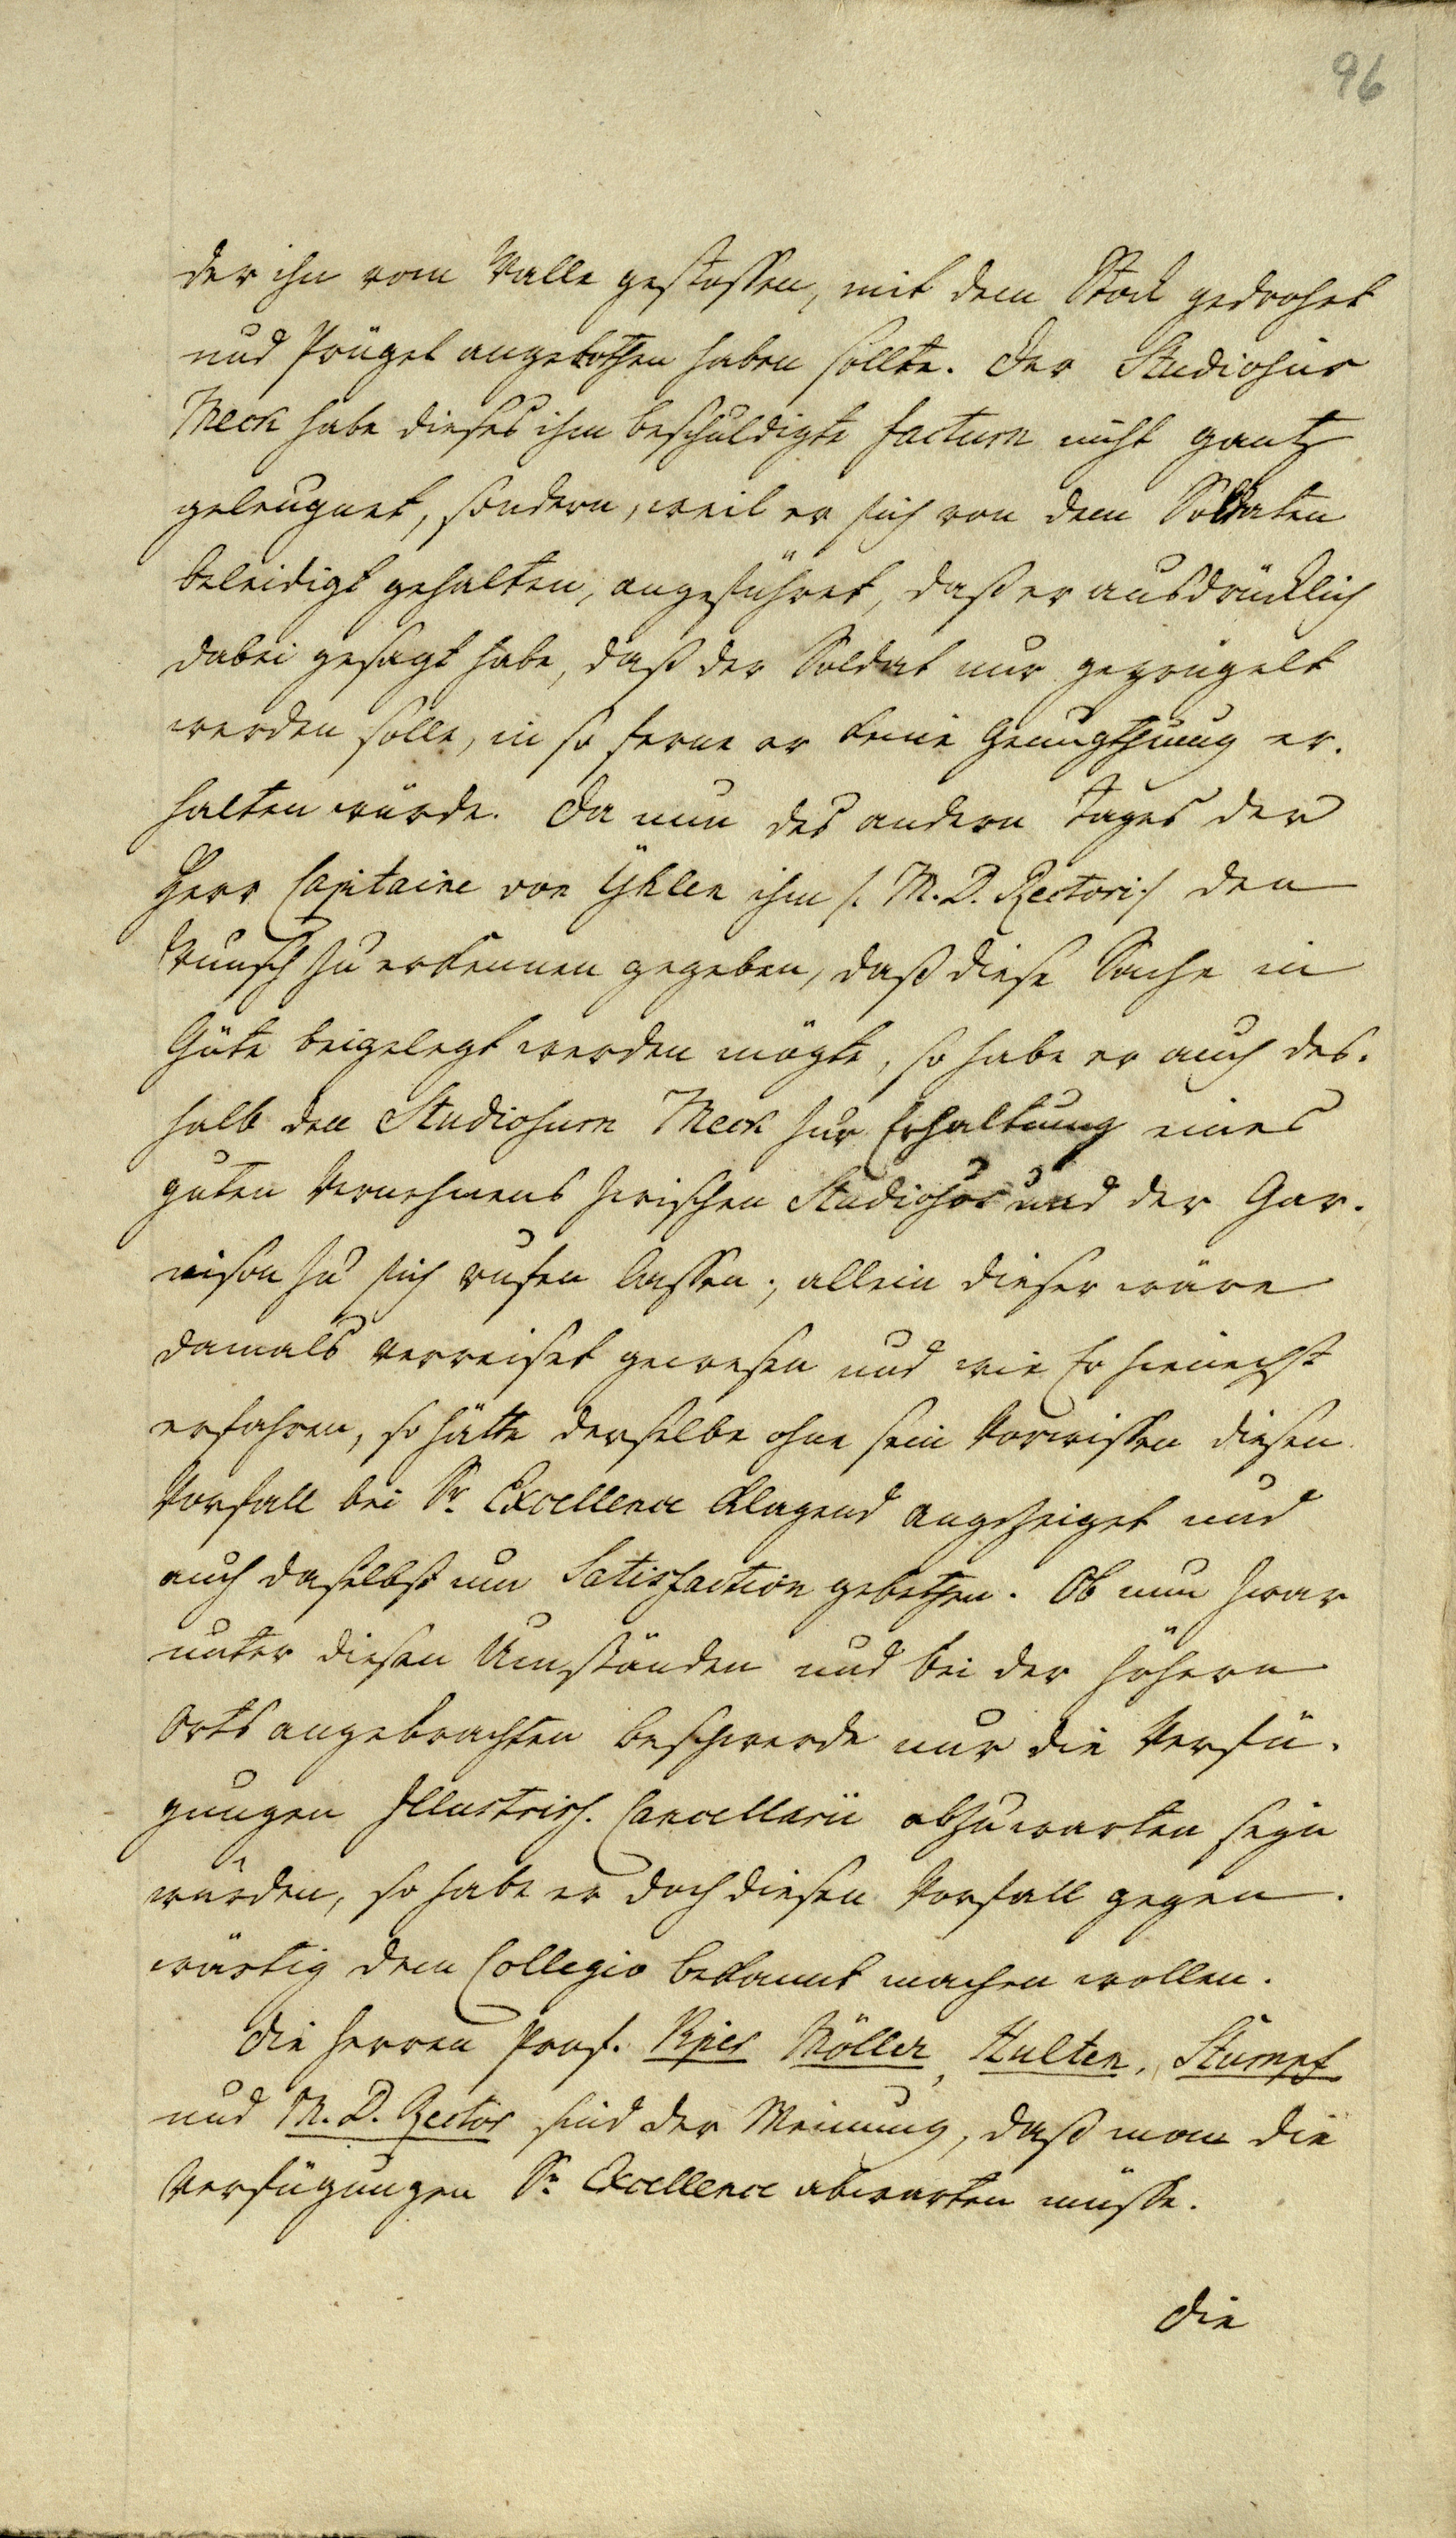der ihn vom Walle gestossen, mit dem Stock gedrohet
und Prügel angebothen haben sollte. Der Studiosus
Meck habe dieses ihm beschuldigte Factum nicht gantz
geleugnet, sondern, weil er sich von dem Soldaten
beleidigt gehalten, angeführet, daß er ausdrücklich
dabei gesagt habe, daß der Soldat nur geprügelt
werden solle, in so ferne er keine Genugthuung er¬
halten würde. Da nun des andern Tages der
Herr Captaine von Ÿhlen ihm /: M. D. Rectori :/ den
Wunsch zu erkennen gegeben, daß diese Sache in
Güte beigelegt werden mögte, so habe er auch des¬
halb den Studiosum Meck zur Erhaltung eines
guten Vernehmens zwischen Studiosos und der Gar¬
nison zu sich vufen lassen; allein dieser wäre
damahls verreiset gewesen und wie Er hienechst
erfahren, so hätte derselbe ohne sein Vorwissen diesen
Vorfall bei Sr Excellence klagend angezeiget und
auch daselbst um Satisfaction gebethen. Ob nun zwar
unter diesen Umständen und bei der höhern
Orts angebrachten Beschwerde nur die Verfü¬
gungen Illustriss. Cancellarii abzuwarten seÿn
würden, so habe er doch diesen Vorfall gegen¬
wärtig dem Collegio bekannt machen wollen.
Die Herren Prof. Piper Möller Hulten, Stumpf
und M. D. Rector sind der Meinung, daß man die
Verfügungen Sr Excellence abwarten müsse.
Die